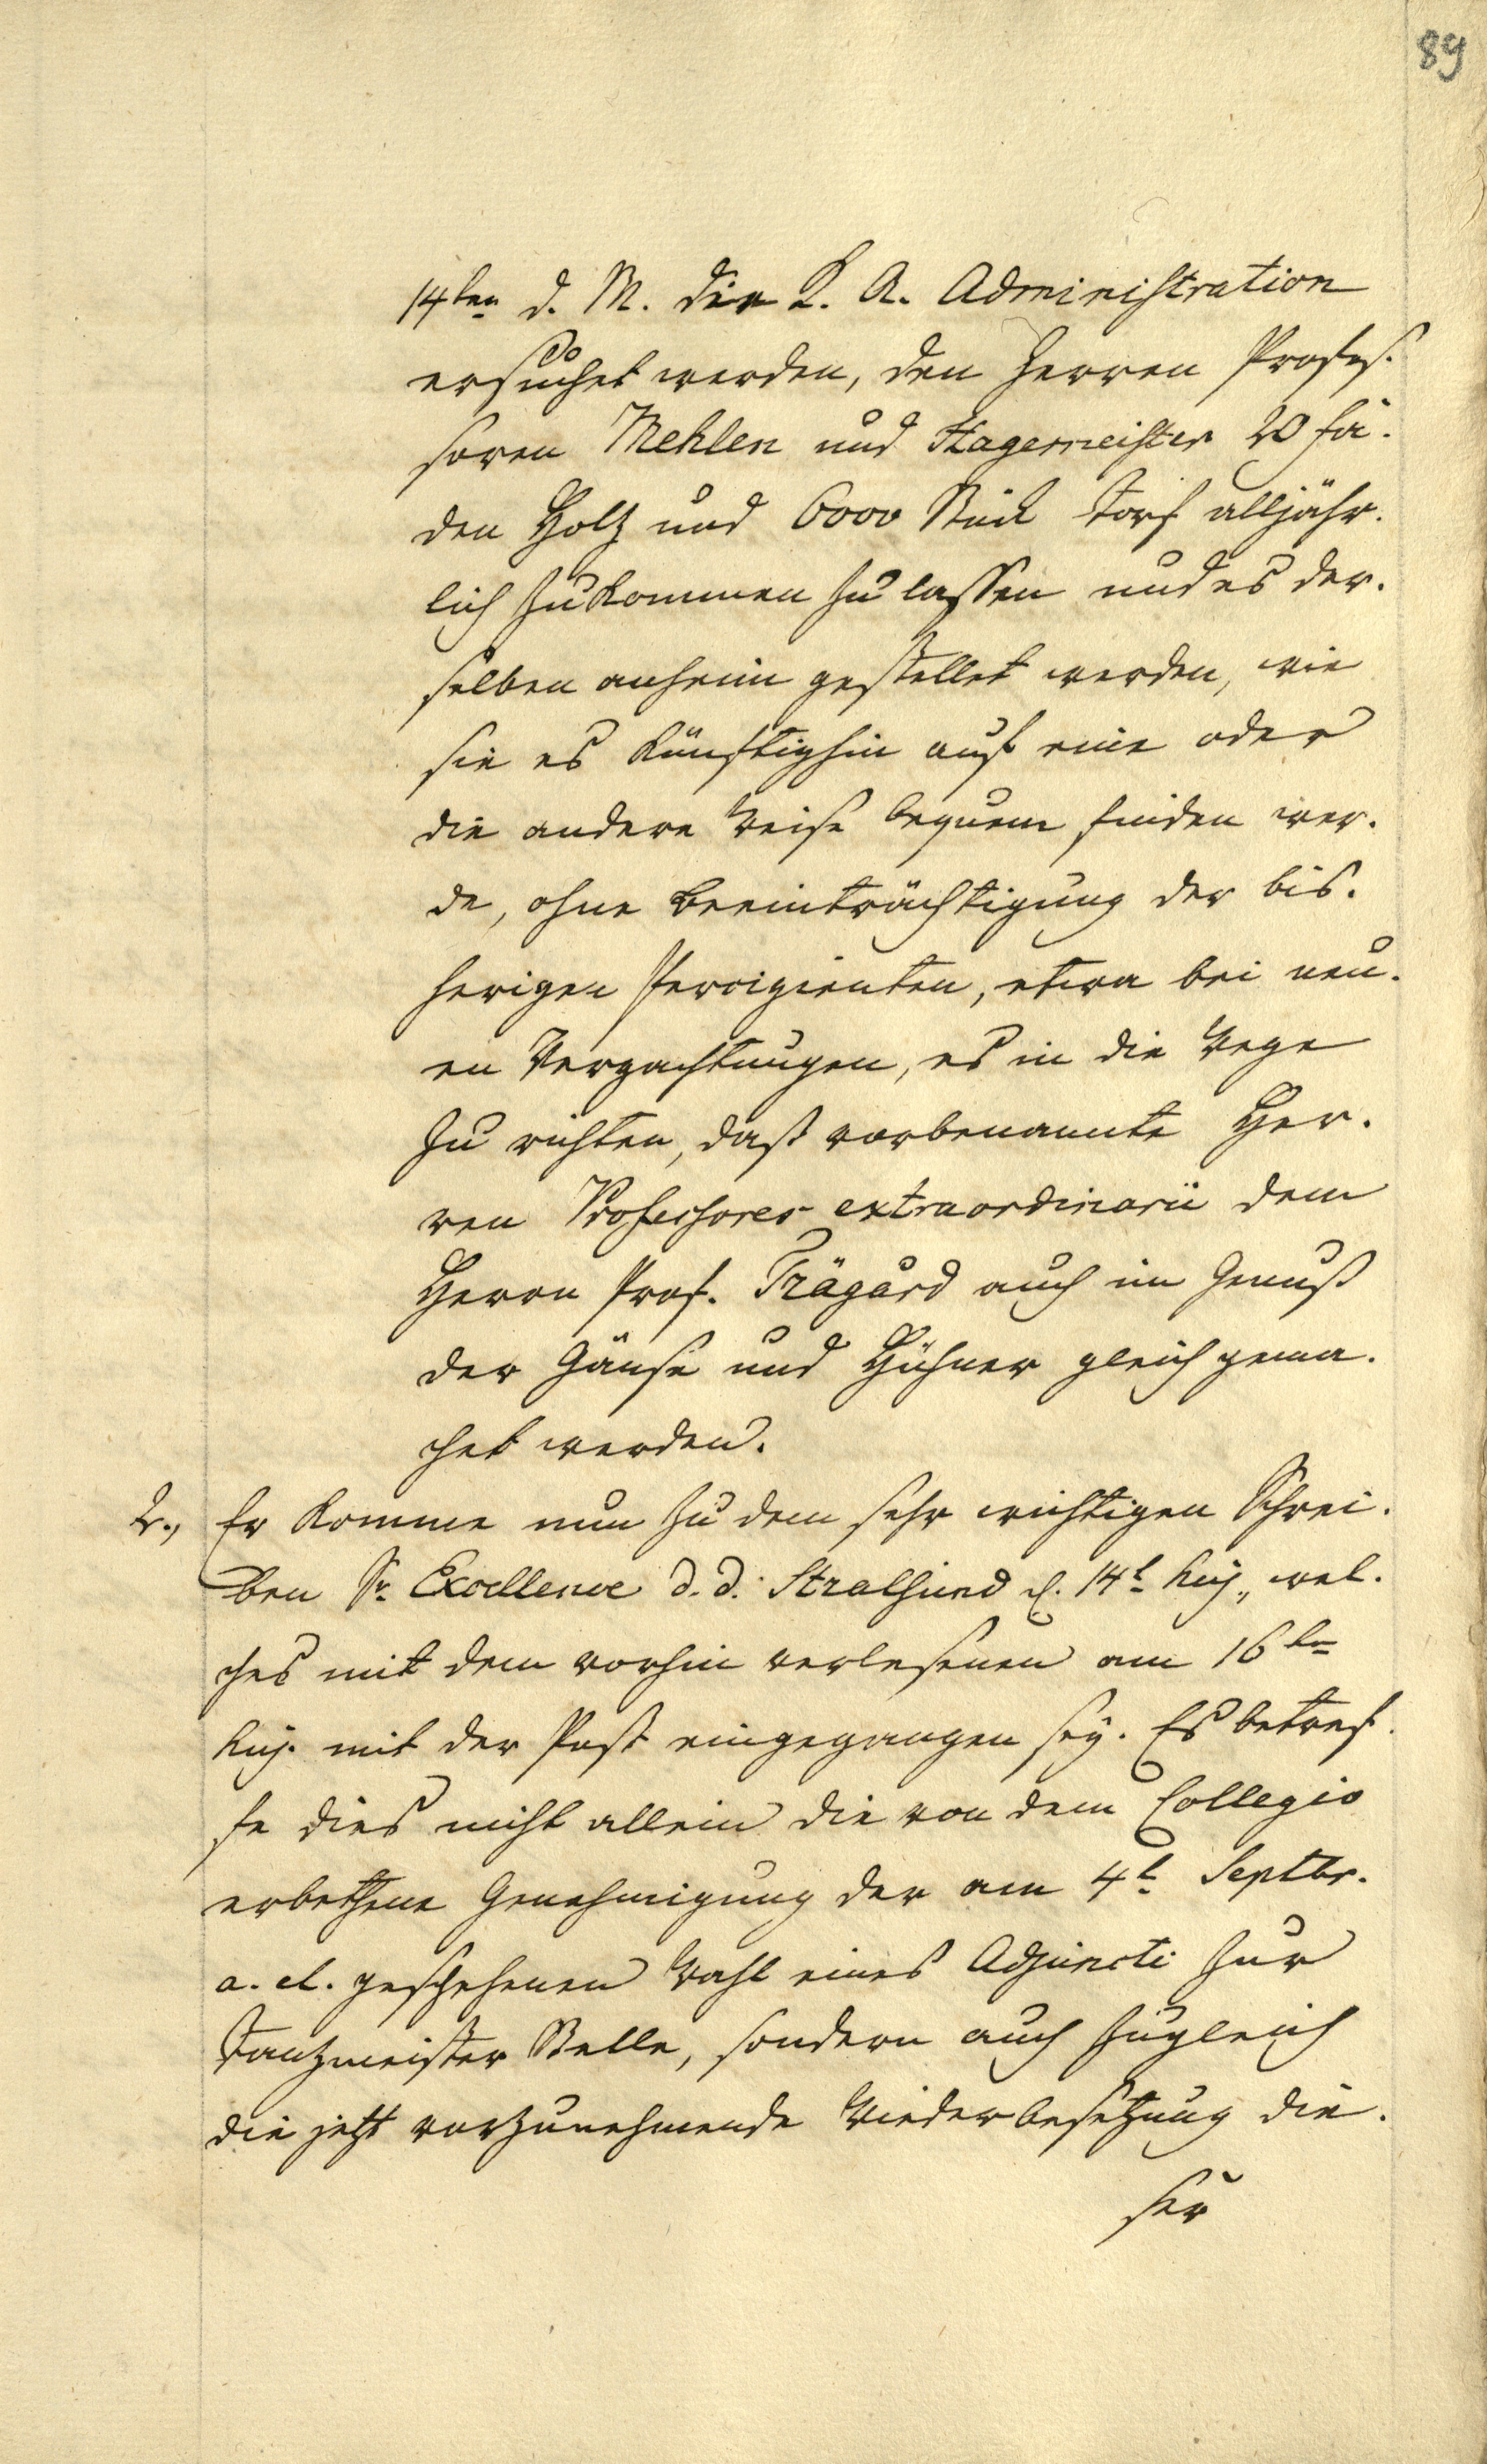14 ten d. M. die K. A. Administration
ersuchet werden, den Herren Profes¬
soren Mehlen und Hagemeister 20 Fa¬
den Holz und 6000 Stück Torf alljähr¬
lich zukommen zu lassen und es der¬
selben anheim gestellet werden, wie
sie es künftighin auf eine oder
die andere Weise bequem finden wer¬
de, ohne Beeinträchtigung der bis¬
herigen Percipienten, etwa bei neu¬
en Verpachtungen, es in die Wege
zu richten, daß vorbenannte Her¬
ren Professores extraordinarii dem
Herrn Prof. Trägård auch im Genuß
der Gänse und Hühner gleich gema¬
chet werden.
2., Er komme nun zu dem sehr wichtigen Schrei¬
ben Sr Excellence d. d. Stralsund d. 14 t huj., wel¬
ches mit dem vorhin verlesenen am 16 ten
huj. mit der Post eingegangen seÿ. Es betref¬
fe dies nicht allein die von dem Collegio
erbethene Genehmigung der am 4 t Septbr.
a. et. geschehenen Wahl eines Adjuncti zur
Tanzmeister Stelle, sondern auch zugleich
die jetzt vorzunehmende Wiederbesetzung die¬
ser